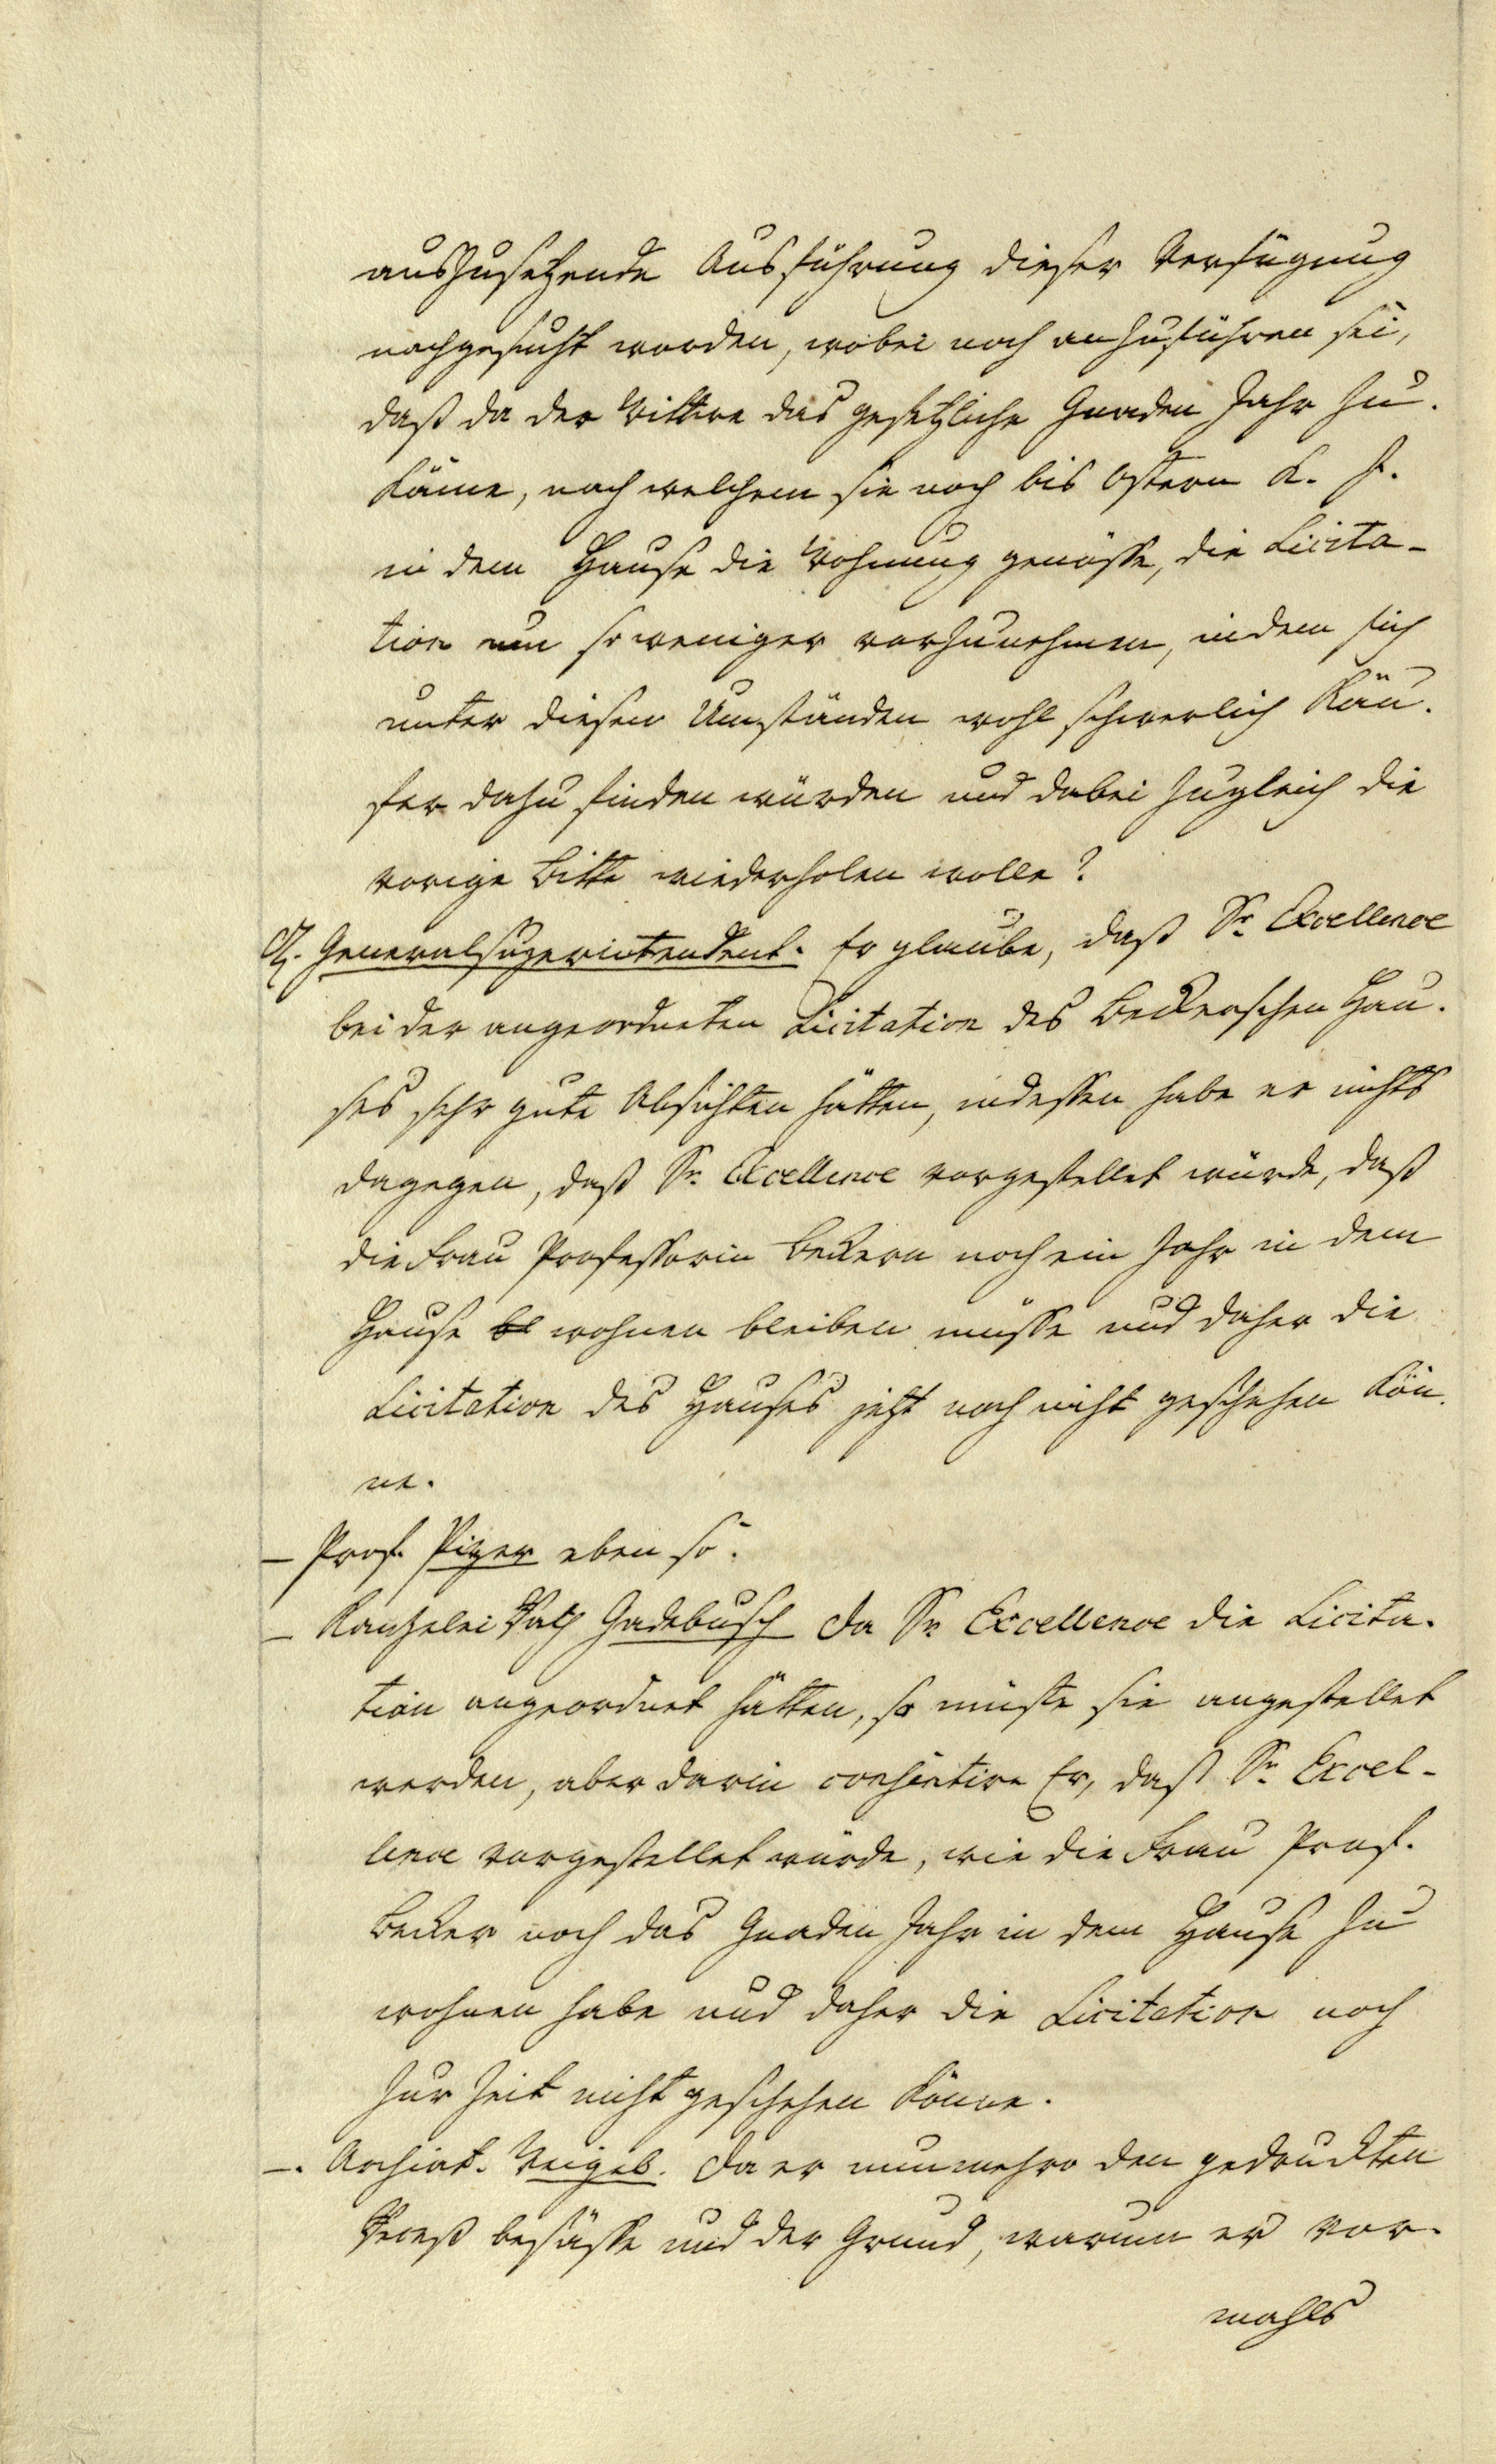auszusetzende Ausführung dieser Verfügung
nachgesucht worden, wobei noch anzuführen sei,
daß da der Wittwe das gesetzliche Gnaden Jahr zu¬
käme, nach welchem sie noch bis Ostern k. J.
in dem Hause die Wohnung genösse, die Licita¬
tion um so weniger vorzunehmen, in dem sich
unter diesen Umständen wohl schwerlich Käu¬
fer dazu finden würden und dabei zugleich die
vorige Bitte wiederholen wolle?
dh. Generalsuperintendent. Er glaube, daß Sr Excellence
bei der angeordneten Licitation des Beckerschen Hau¬
ses sehr gute Absichten hätten, indessen habe er nichts
dagegen, daß Sr Excellence vorgestellet würde, daß
die Frau Professorin Beckern noch ein Jahr in dem
Hause be wohnen bleiben müsse und daher die
Licitation des Hauses jetzt noch nicht geschehen kön¬
ne.
Prof. Piper eben so.
Kanzelei Rath Gadebusch Da Sr Excellence die Licita¬
tion angeordnet hätten, so müßte sie angestellet
werden, aber darin consentire Er, daß Sr Excel¬
lence vorgestellet würde, wie die Frau Prof.
Becker noch das Gnaden Jahr in dem Hause zu
wohnen habe und daher die Licitation noch
zur Zeit nicht geschehen könne.
Archiat. Weigel. Da er nunmehro den gedruckten
Receß besässe und der Grund, warum er vor¬
mahls